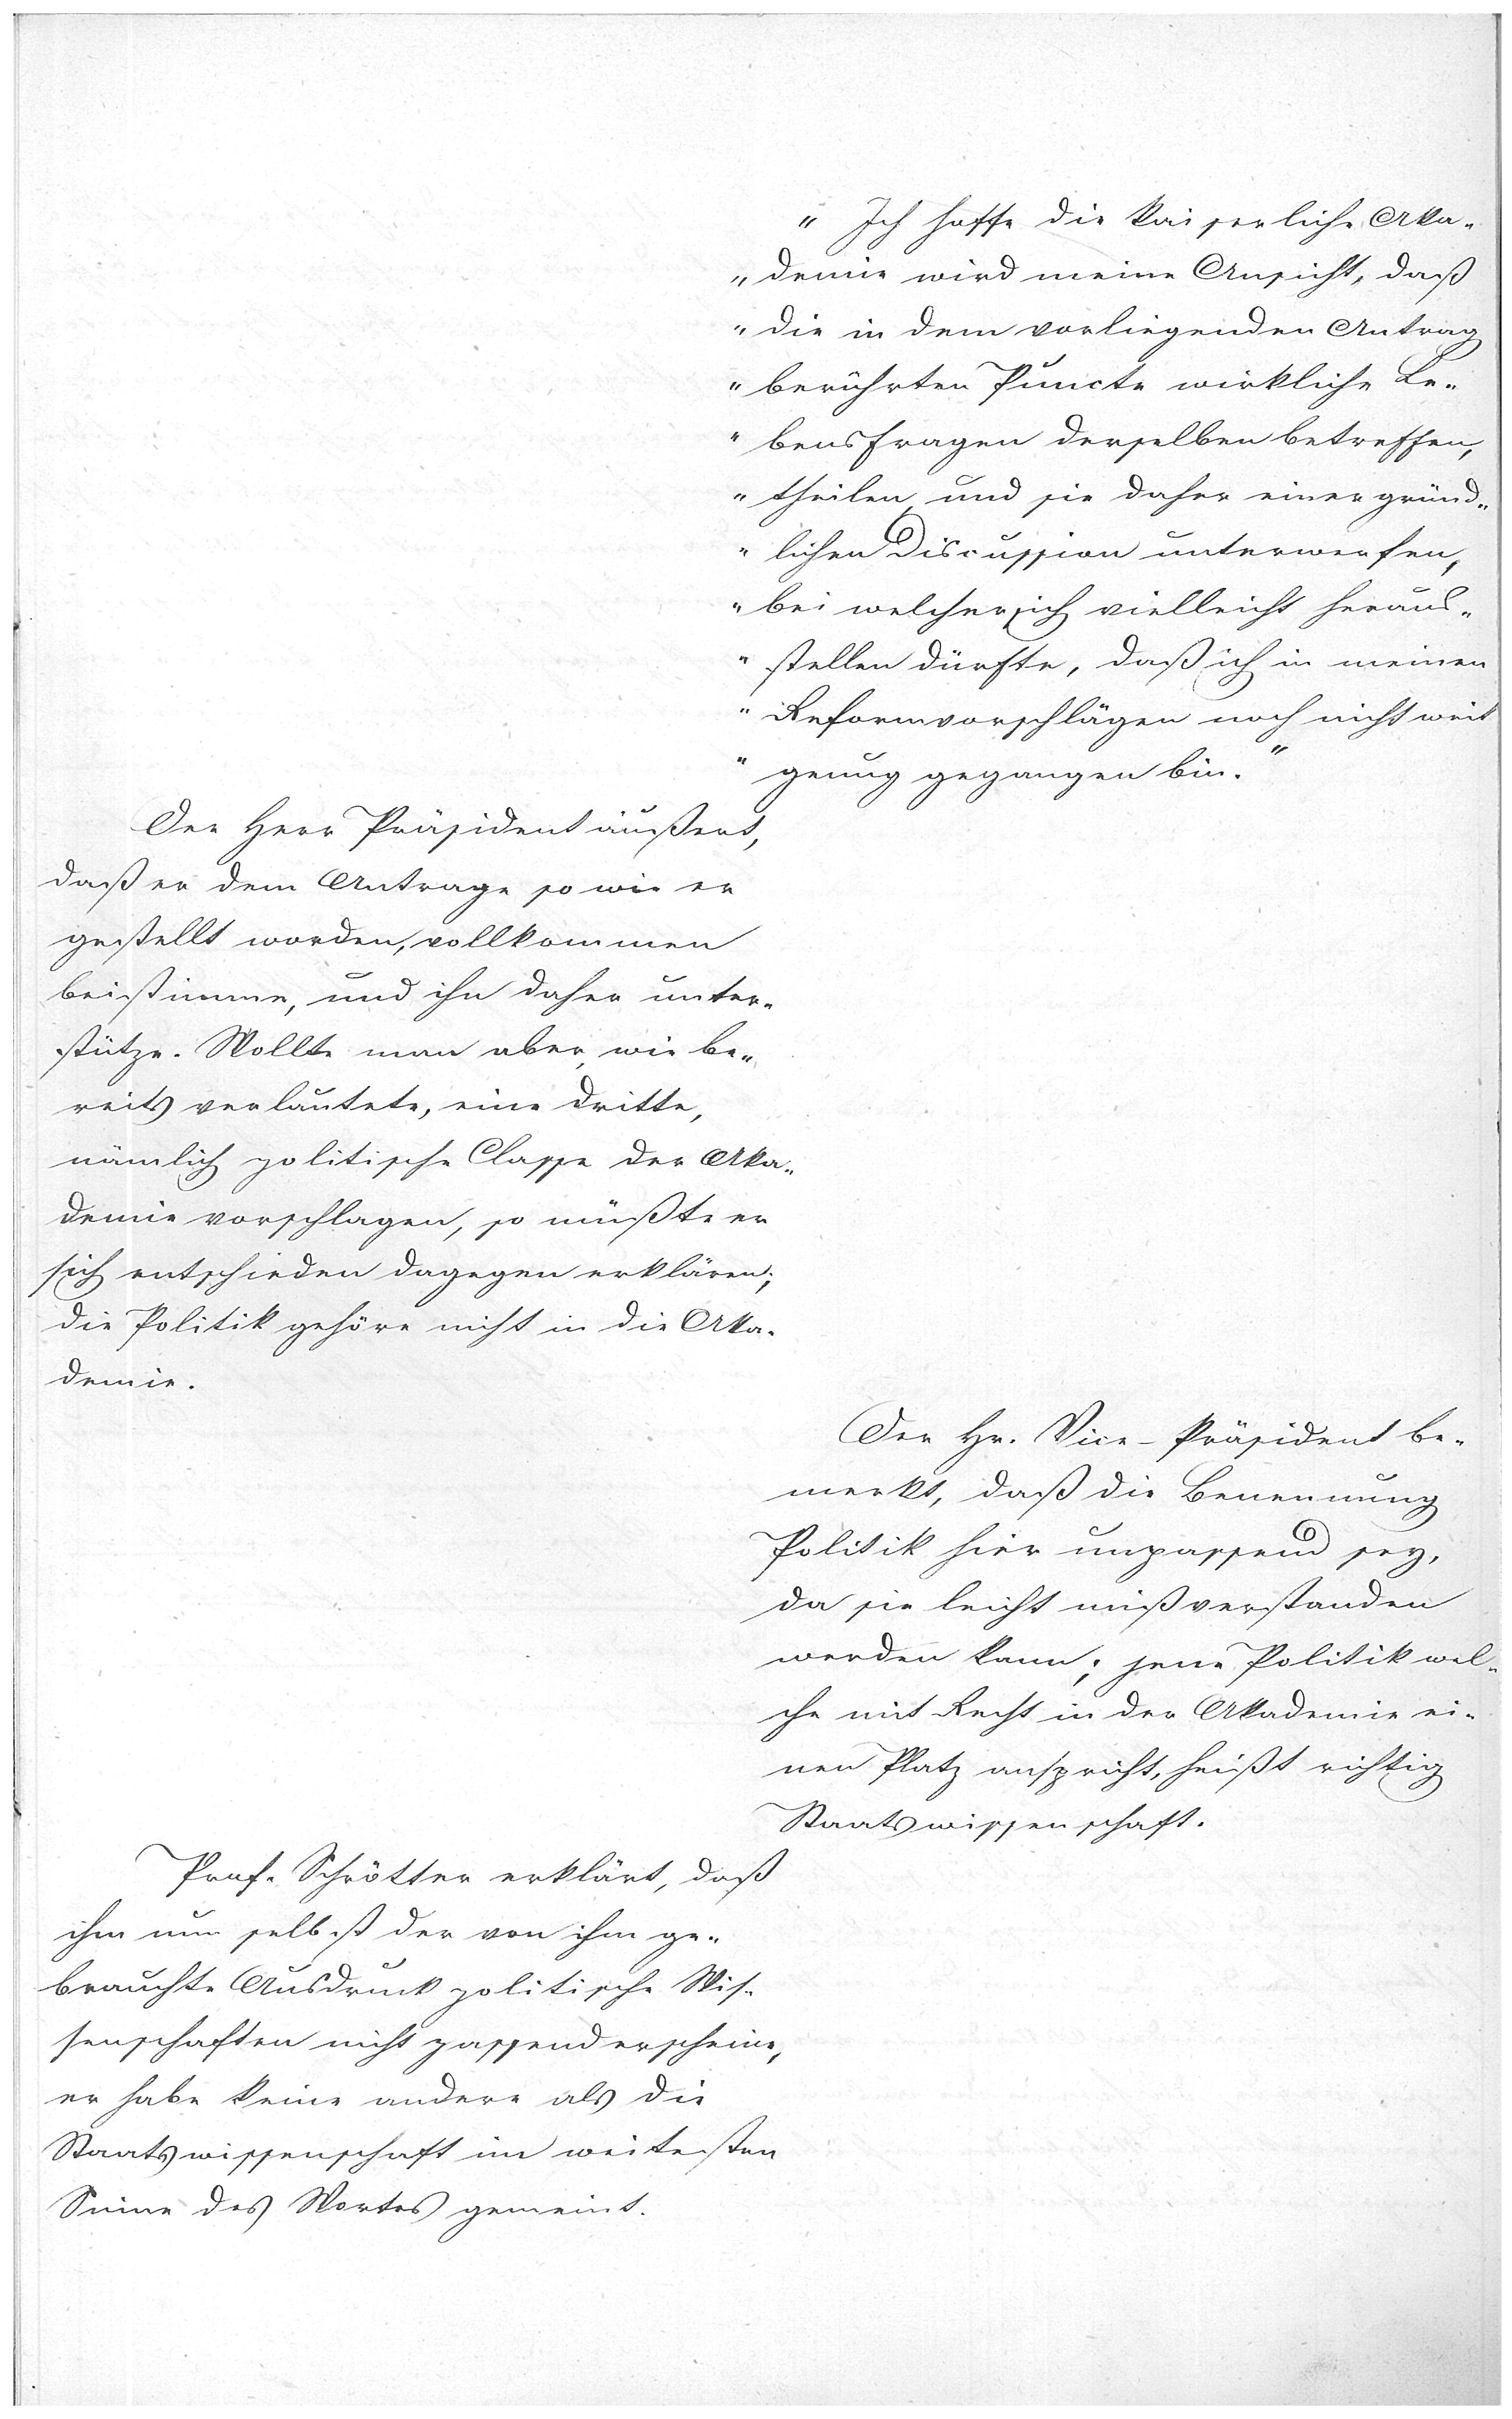" Ich hoffe die kaiserliche Aka-
" demie wird meine Ansicht, daß
" die in dem vorliegenden Antrag
" berührten Puncte wirkliche Le-
" besfragen derselben betreffen,
" theilen und sie daher einer gründ-
" lichen Discussion unterwerfen,
" bei welcher sich vielleicht heraus-
" stellen dürfte, daß ich in meinen
" Reformvorschlägen noch nicht weit
" genug gegangen bin."
Der Herr Präsident äußert,
daß er dem Antrage so wir er
gestellt worden, vollkommen
beistimme, und ihn daher unter-
stütze. Sollte man aber, wie be-
reits der lautete, eine dritte,
nämlich politische Classe der Aka-
demie vorschlagen, so müßte er
sich entschieden dagegen erklären;
die Politik gehöre nicht in die Aka-
demie.
Der Hr. Vice-Präsident be-
merkt, daß die Benennung
Politik hier unpassend sey,
die sie leicht mißverstanden
werden kann; jene Politik wel-
che mit Recht in der Akademie ei-
nen Platz anspricht, heißt richtig
Staatswissenschaft.
Prof Schrötter erklärt, daß
ihm nun selbst der von ihm ge-
brauchte Ausdruck politische Wis-
senschaften nicht passend erscheine,
er habe keine andere als die
Staatwissenschaft im weitesten
Sinne des Wortes gemeint.